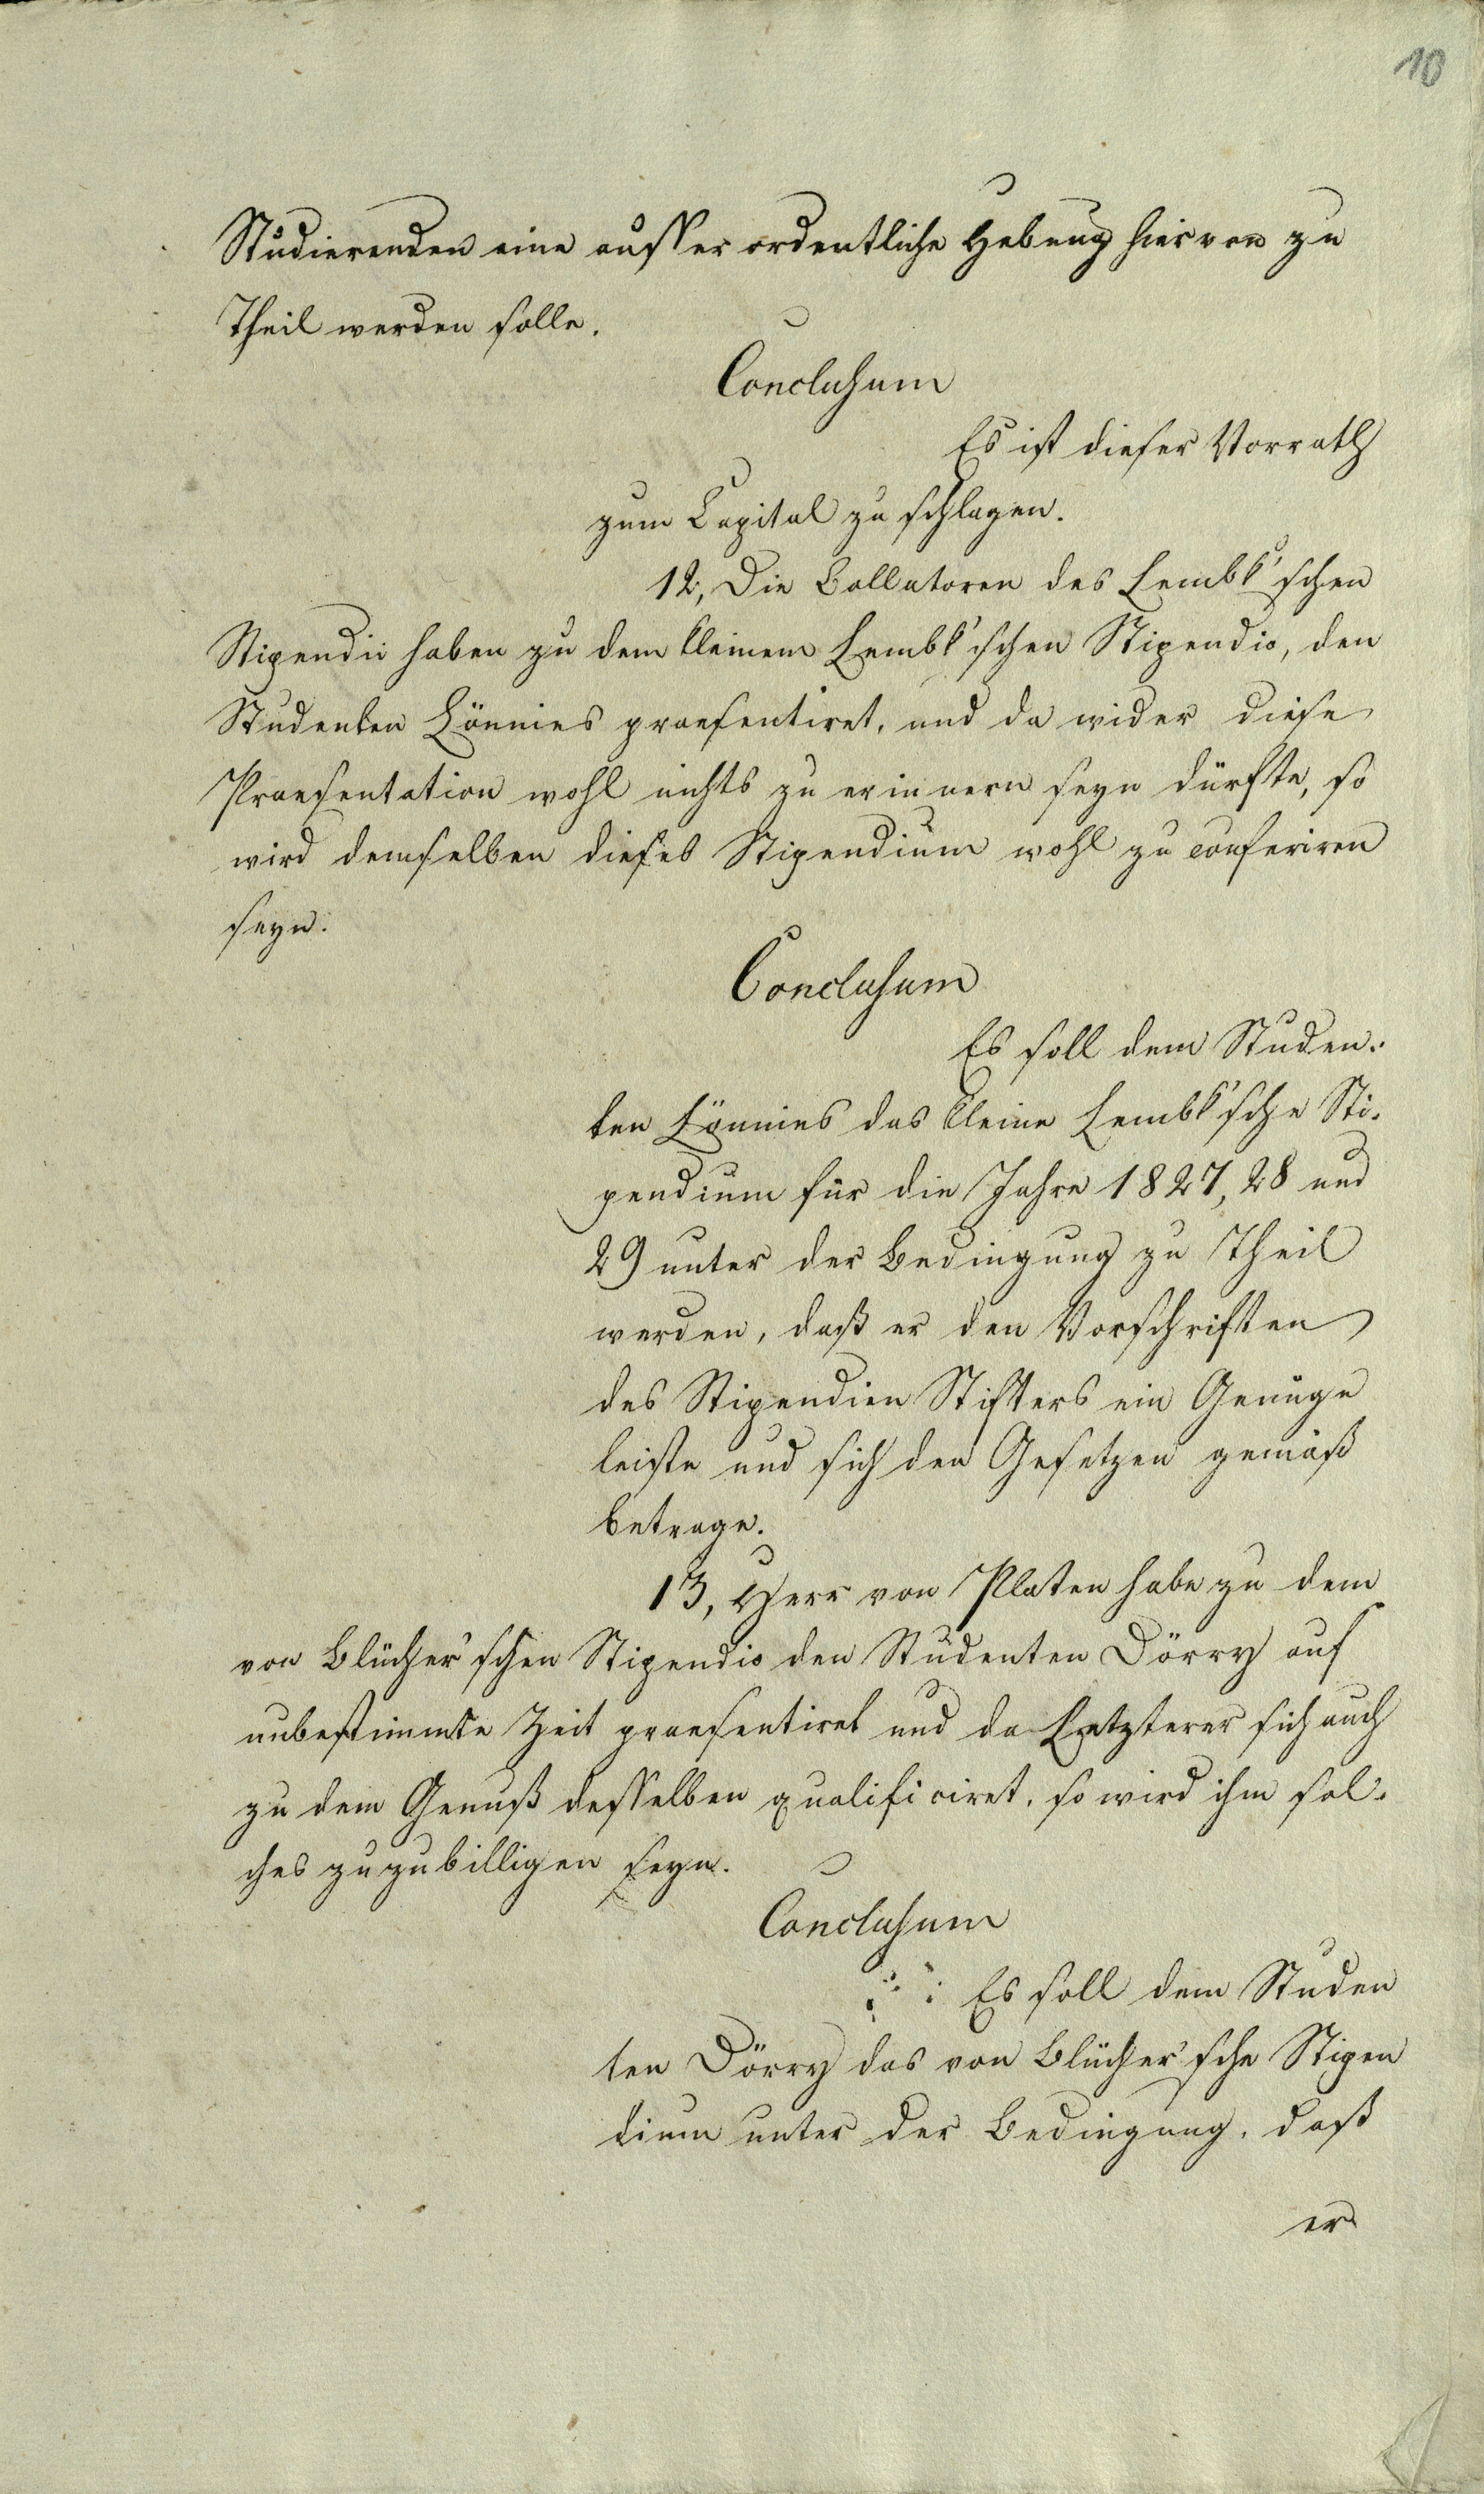Studierenden eine ausser ordentliche Hebung hiervon zu
Theil werden solle.
Conclusum
Es ist dieser Vorrath
zum Capital zu schlagen.
12, Die Collatoren des Lembk'schen
Stipendii haben zu dem kleinen Lemb'schen Stipendio, den
Studenten Lönnies praesentiret, und da wider diese
Praesentation wohl nichts zu erinnern seyn dürfte, so
wird demselben dieses Stipendium wohl zu conferiren
seyn.
Conclusum
Es soll dem Studen¬
ten Lönnies das kleine Lembk'sche Sti¬
pendium für die Jahre 1827, 28 und
29 unter der Bedingung zu Theil
werden, daß er den Vorschriften
des Stipendien Stifters ein Genüge
leisten und sich den Gesetzen gemäß
betrage.
13, Herr von Platen habe zu dem
von Blücher'schen Stipendio den Studenten Dörry auf
unbestimmte Zeit praesentiret und da Letzterer sich auch
zu dem Genuß desselben qualificiret, so wird ihm sol¬
ches zuzubilligen seyn.
Conclusum
Es soll dem Studen¬
ten Dörry das von Blücher'sche Stipen¬
dium unter der Bedingung, daß
er